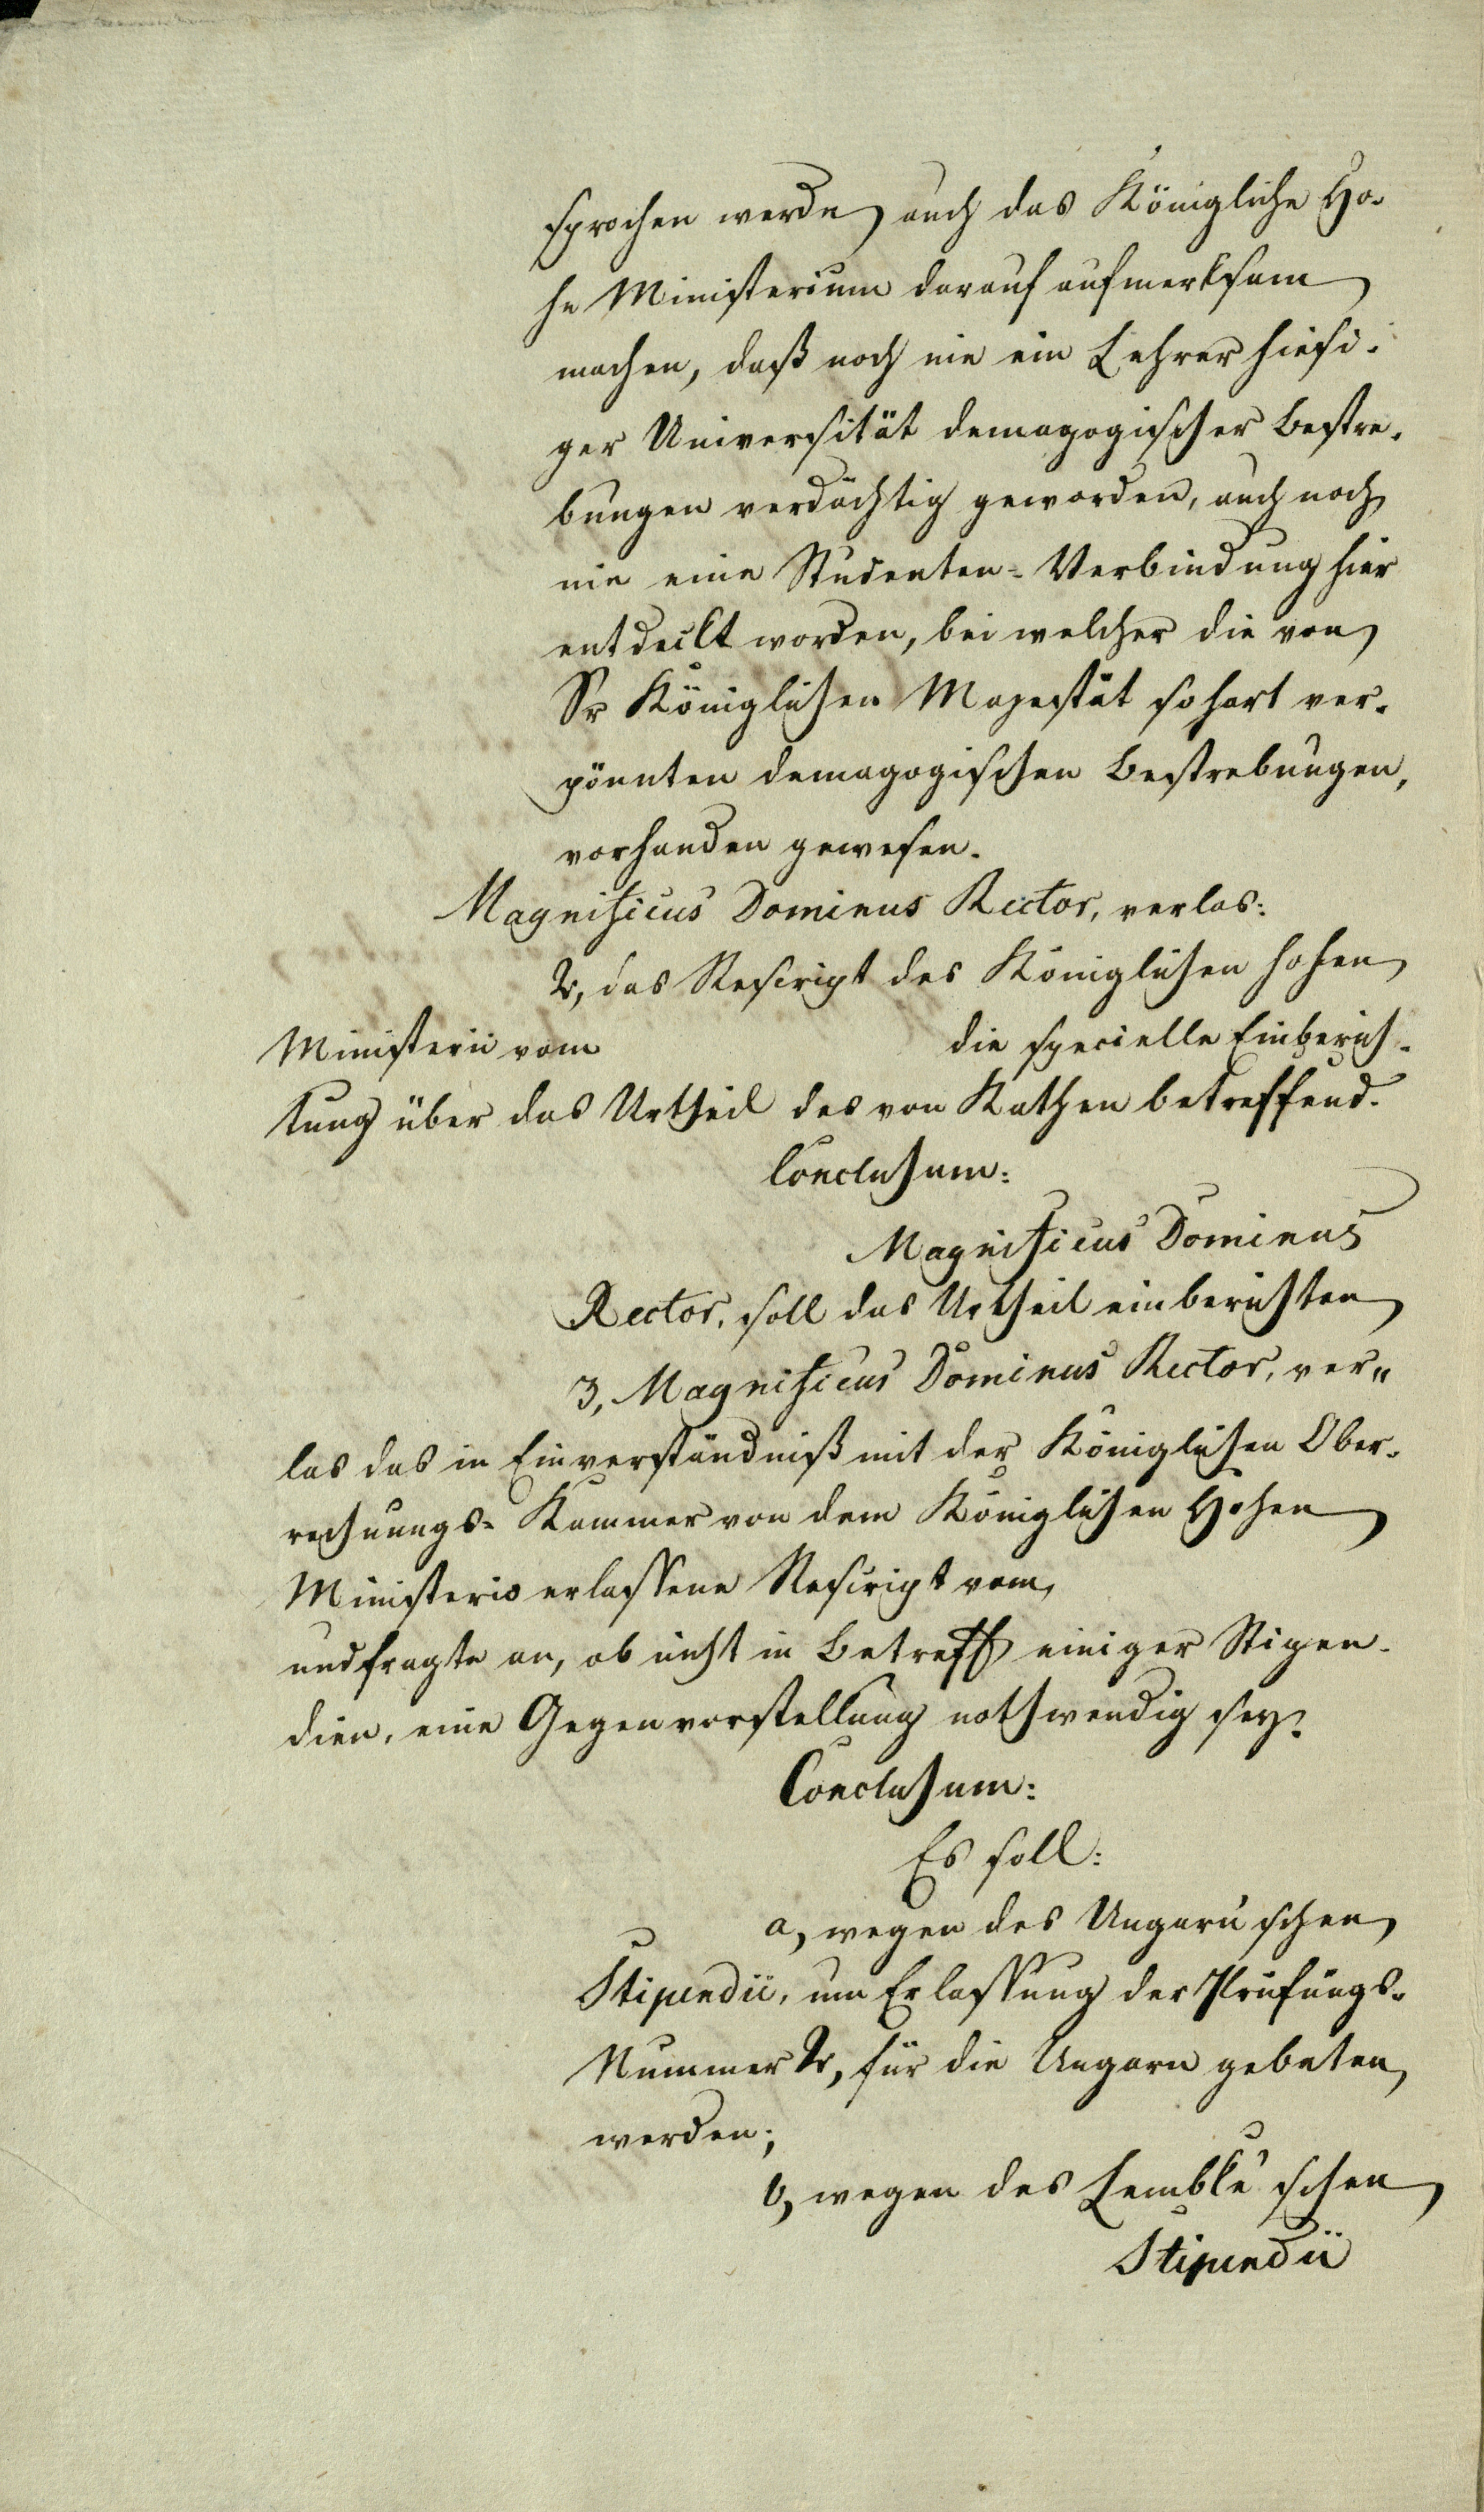sprochen werde auch das Königliche Ho¬
he Ministerium darauf aufmerksam
machen, daß noch nie ein Lehrer hiesi¬
ger Universität demagogischer Bestre¬
bungen verdächtig geworden, auch noch
nie eine Studenten-Verbindung hier
entdeckt worden, bei welcher die von
Sr Königlichen Majestät so hart ver¬
pönnten demagogischen Bestrebungen
vorhanden gewesen.
Magnificus Dominus Rector, verlas:
2, das Rescript des Königlichen hohen
Ministerii vom die specielle Einberich¬
tung über das Urtheil des von Kathen betreffend.
Conclusum:
Magnificus Dominus
Rector, soll das Urtheil einberichten.
Magnificus Dominus Rector, ver¬
las das in Eiverständniß mit der Königlichen Ober¬
rechnungs-Kammer von dem Königlichen Hohen
Ministerio erlassene Rescript vom
und fragte an, ob nicht in Betreff einiger Stipen¬
dien, eine Gegenvorstellung nothwendig sey.
Conclusum:
Es soll:
a, wegen des Ungarischen
Stipendii, um Erlassung der Prüfungs¬
Nummer 2, für die Ungarn gebeten,
werden;
b, wegen des Lembke'schen
Stipendii